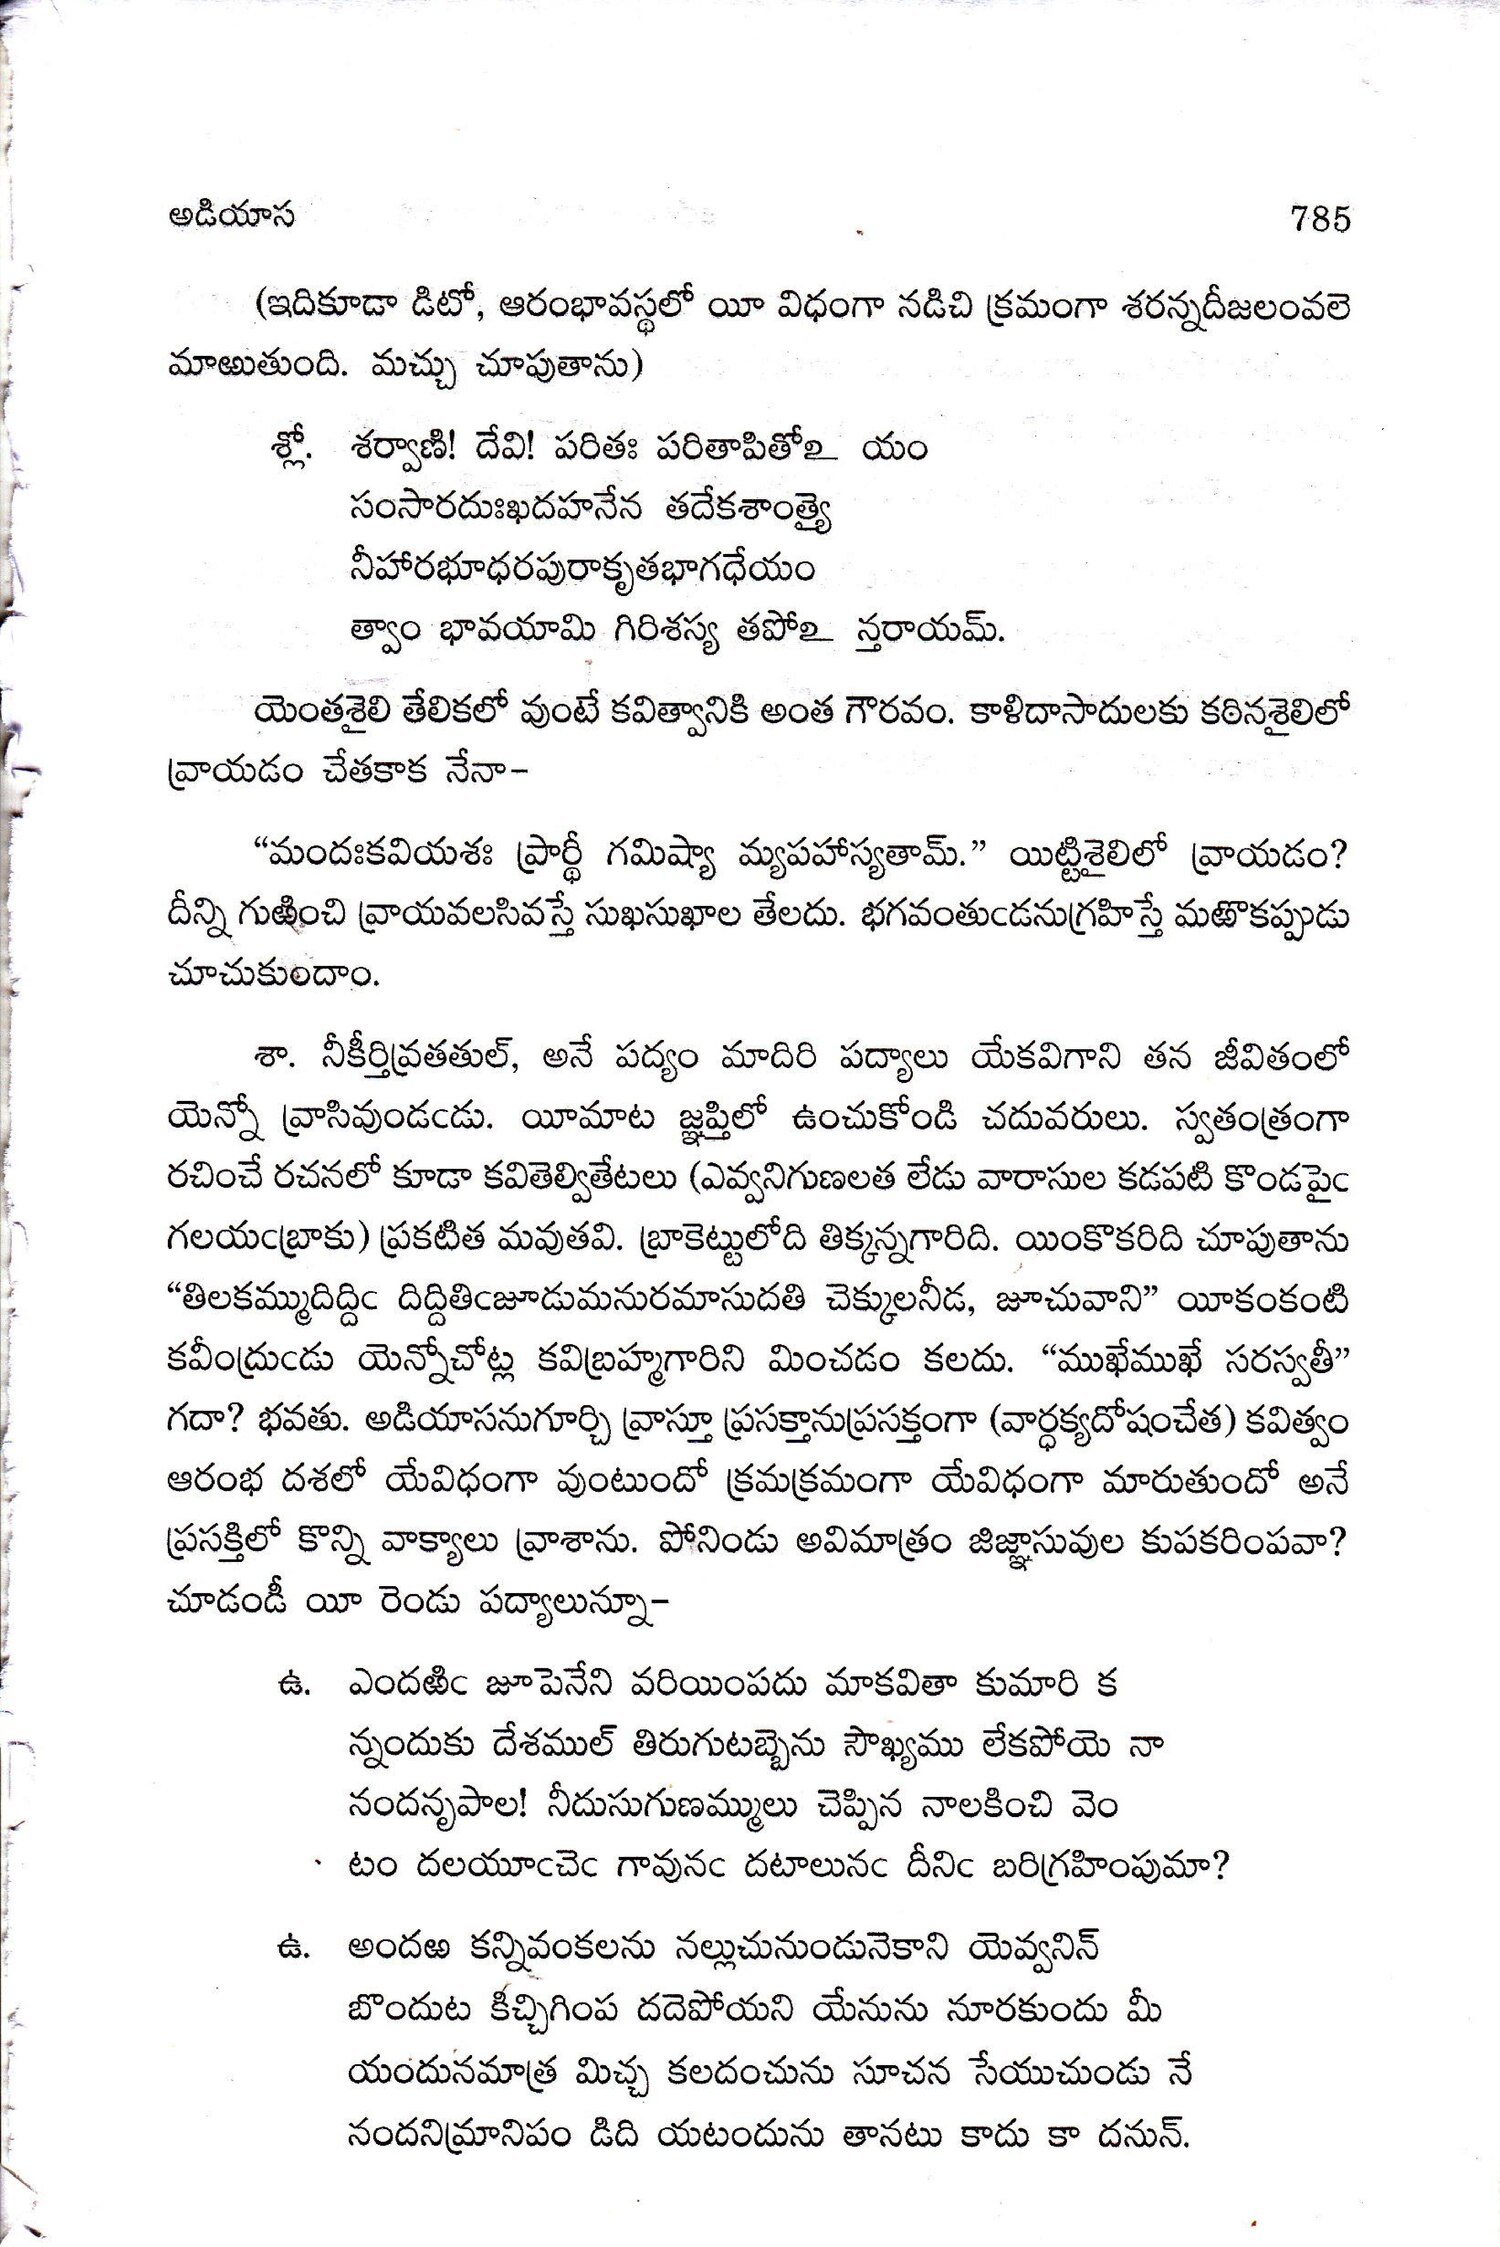(ఇదికూడా డిటో, ఆరంభావస్థలో యీ విధంగా నడిచి క్రమంగా శరన్నదీజలంవలె మాఱుతుంది. మచ్చు చూపుతాను) 

శ్లో. శర్వాణి! దేవి! పరితః పరితాపితో౽ యం 
 సంసారదుఃఖదహనేన తదేకశాంత్యై 
 నీహారభూధరపురాకృతభాగధేయం 
 త్వాం భావయామి గిరిశస్య తపో౽ న్తరాయమ్.
యెంతశైలి తేలికలో వుంటే కవిత్వానికి అంత గౌరవం. కాళిదాసాదులకు కఠినశైలిలో వ్రాయడం చేతకాక నేనా - 

“మందఃకవియశః ప్రార్థీ గమిష్యా మ్యపహాస్యతామ్." యిట్టిశైలిలో వ్రాయడం? దీన్ని గుఱించి వ్రాయవలసివస్తే సుఖసుఖాల తేలదు. భగవంతుఁడనుగ్రహిస్తే మఱొకప్పుడు చూచుకుందాం.

శా. నీకీర్తివ్రతతుల్, అనే పద్యం మాదిరి పద్యాలు యేకవిగాని తన జీవితంలో యెన్నో వ్రాసివుండఁడు. యీమాట జ్ఞప్తిలో ఉంచుకోండి చదువరులు. స్వతంత్రంగా రచించే రచనలో కూడా కవితెల్వితేటలు (ఎవ్వనిగుణలత లేడు వారాసుల కడపటి కొండపైఁ గలయఁబ్రాకు) ప్రకటిత మవుతవి. బ్రాకెట్టులోది తిక్కన్నగారిది. యింకొకరిది చూపుతాను "తిలకమ్ముదిద్దిఁ దిద్దితిఁజూడుమనురమాసుదతి చెక్కులనీడ, జూచువాని" యీకంకంటి కవీంద్రుఁడు యెన్నోచోట్ల కవిబ్రహ్మగారిని మించడం కలదు. “ముఖేముఖే సరస్వతీ” గదా? భవతు. అడియాసనుగూర్చి వ్రాస్తూ ప్రసక్తానుప్రసక్తంగా (వార్ధక్యదోషంచేత) కవిత్వం ఆరంభ దశలో యేవిధంగా వుంటుందో క్రమక్రమంగా యేవిధంగా మారుతుందో అనే ప్రసక్తిలో కొన్ని వాక్యాలు వ్రాశాను. పోనిండు అవిమాత్రం జిజ్ఞాసువుల కుపకరింపవా? చూడండీ యీ రెండు పద్యాలున్నూ-

ఉ. ఎందఱిఁ జూపెనేని వరియింపదు మాకవితా కుమారి క
 న్నందుకు దేశముల్ తిరుగుటబ్బెను సౌఖ్యము లేకపోయె నా 
 నందనృపాల! నీదుసుగుణమ్ములు చెప్పిన నాలకించి వెం 
 టం దలయూఁచెఁ గావునఁ దటాలునఁ దీనిఁ బరిగ్రహింపుమా?

ఉ. అందఱ కన్నివంకలను నల్లుచునుండునెకాని యెవ్వనిన్
 బొందుట కీచ్చిగింప దదెపోయని యేనును నూరకుందు మీ 
 యందునమాత్ర మిచ్చ కలదంచును సూచన సేయుచుండు నే 
 నందనిమ్రానిపం డిది యటందును తానటు కాదు కా దనున్.